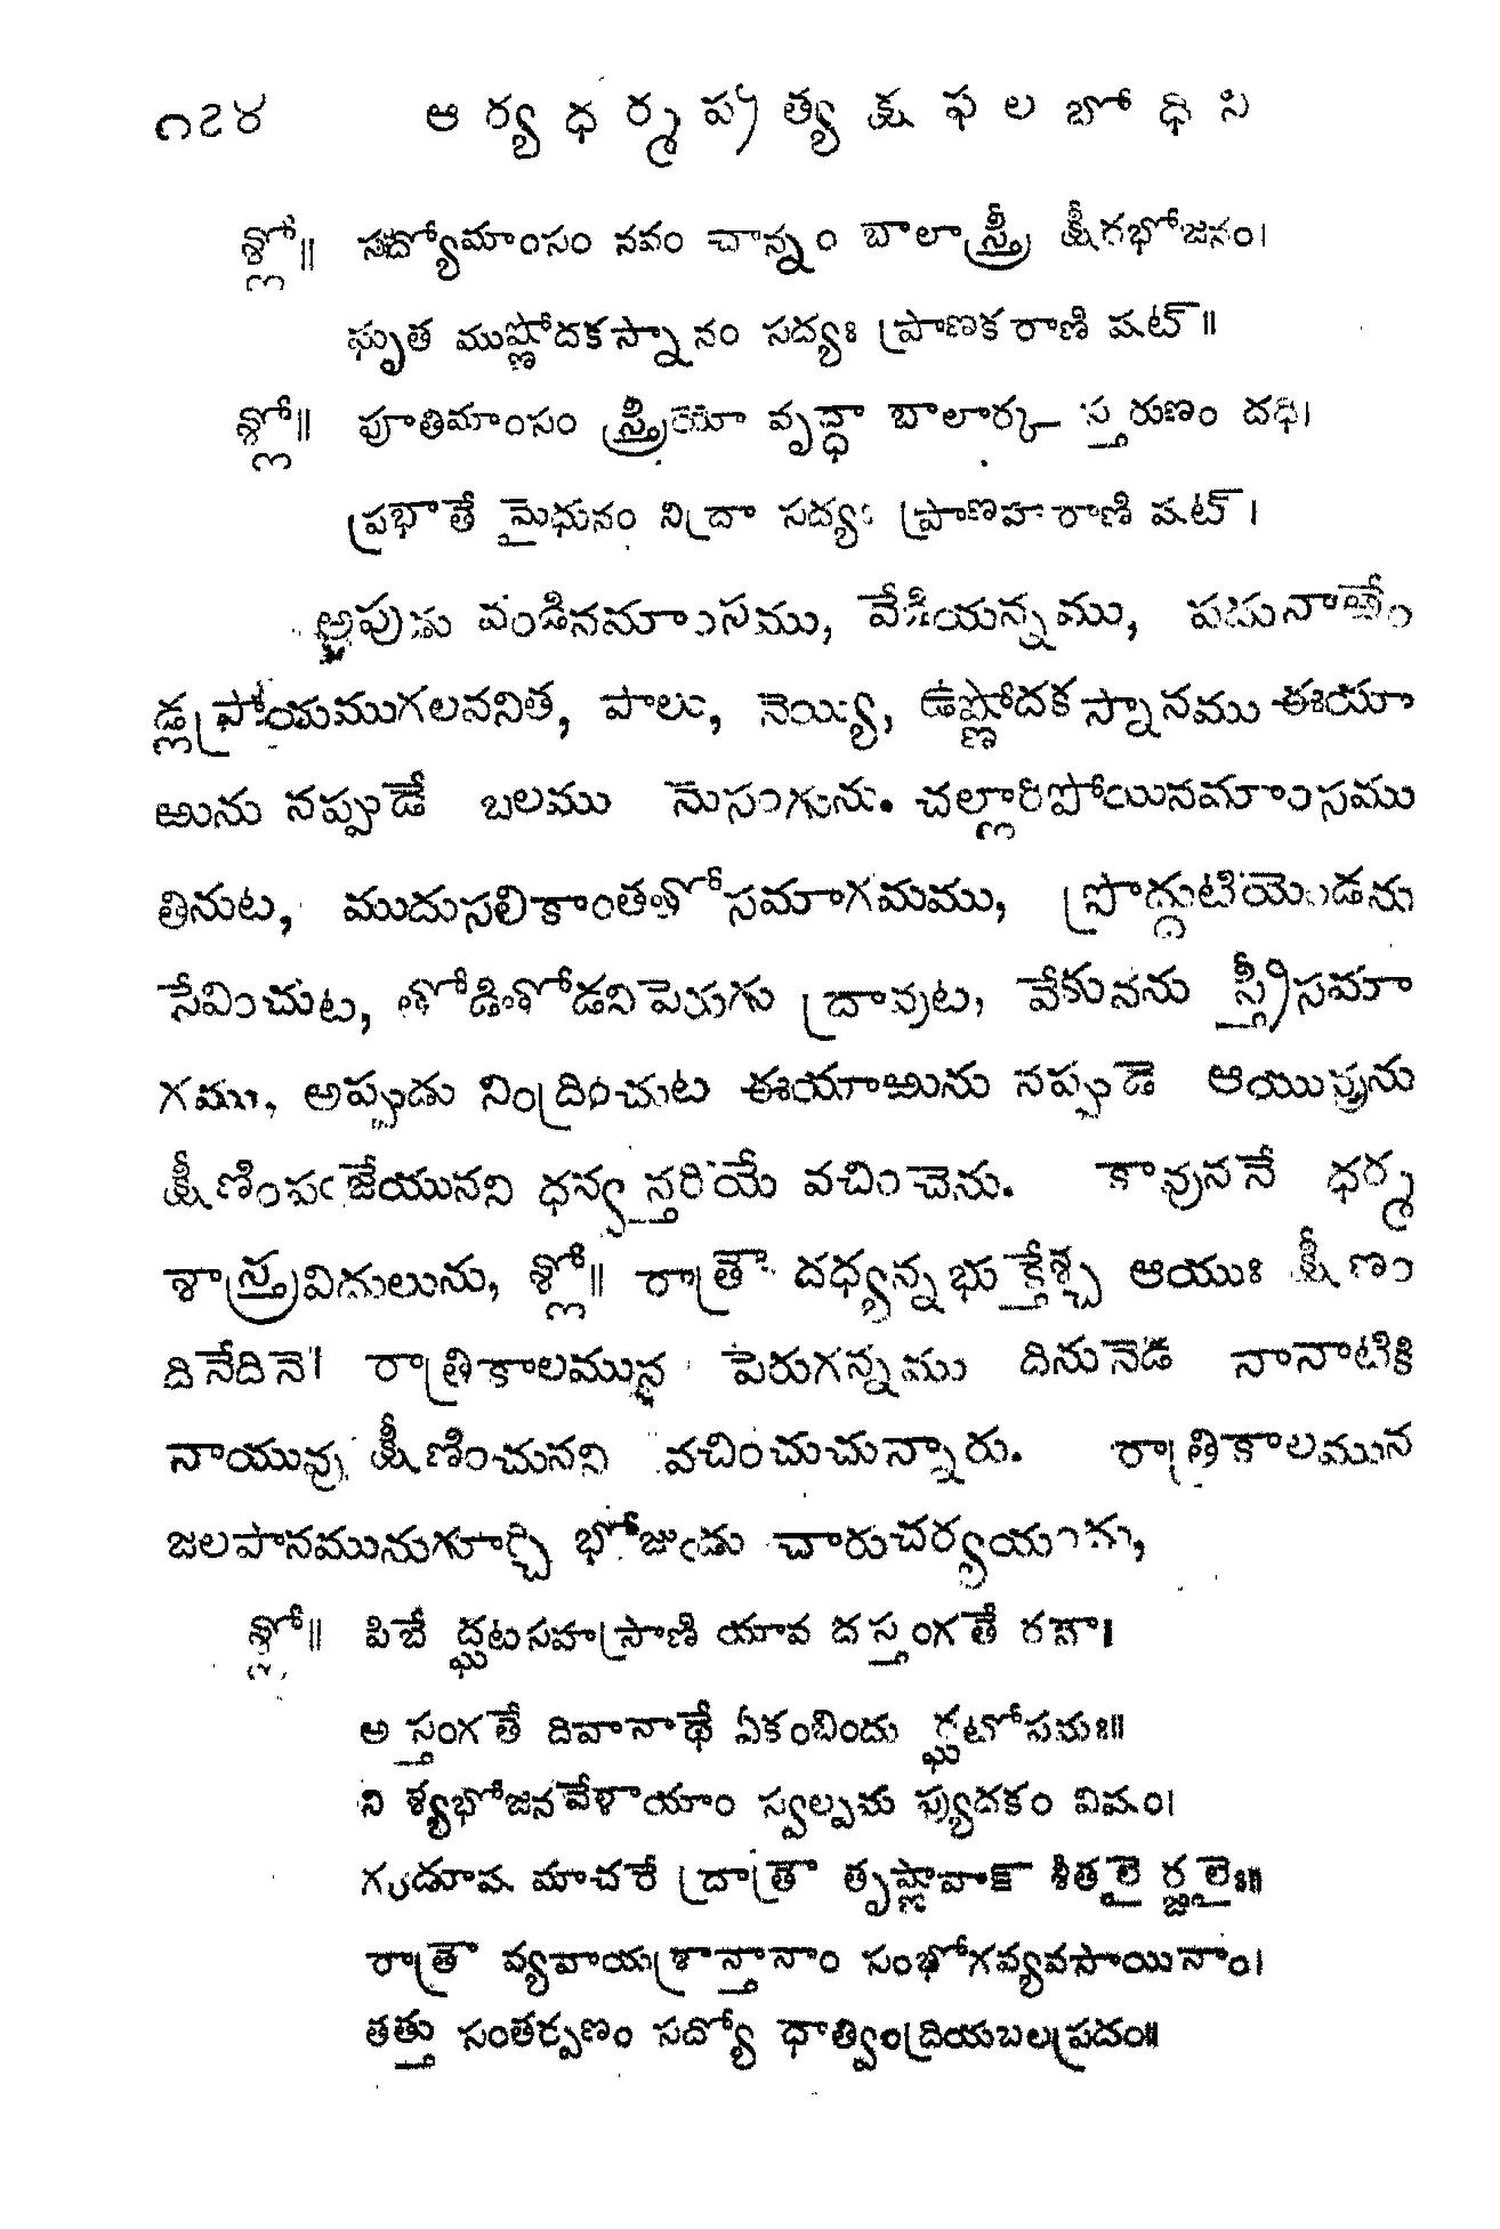శ్లో॥ సద్యోమాంసం నవం చాన్నం బాలాస్త్రీ క్షీరభోజనం।
 ఘృత ముష్ణోదకస్నానం సద్యః ప్రాణకరాణి షట్॥

శ్లో॥ పూతిమాంసం స్త్రీయో వృద్ధా బాలార్క స్తరుణం దధి।
 ప్రభాతే మైధునం నిద్రా సద్యః ప్రాణహరాణి షట్ ॥

అపుడు వండినమాంసము, వేడియన్నము, పదునాఱేండ్లప్రాయముగలవనిత, పాలు, నెయ్యి, ఉష్ణోదకస్నానము ఈయాఱును నప్పుడే బలము నొసంగును. చల్లారిపోయినమాంసము తినుట, ముదుసలికాంతతో సమాగమము, ప్రొద్దుటియెండను సేవించుట, తోడితోడనిపెరుగు ద్రావుట, వేకువను స్త్రీసమాగము, అప్పుడు నింద్రించుట ఈయాఱును నప్పుడె ఆయువును క్షీణింపఁజేయునని ధన్వన్తరియే వచించెను. కావుననే ధర్మశాస్త్రవిదులును, శ్లో॥ రాత్రౌ దధ్యన్నభుక్తేశ్చ ఆయుః క్షీణం దినేదినె। రాత్రికాలమున పెరుగన్నము దినునెడ నానాటికి నాయువు క్షీణించునని వచించుచున్నారు. రాత్రికాలమున
జలపానమునుగూర్చి భోజుఁడు చారుచర్యయందు,

శ్లో॥ పిబే ద్ఘటసహస్రాణి యావ దస్తంగతే రనౌ।
 అస్తంగతే దివానాథే ఏకంబిందు ర్ఘటోసమః॥

 ని శ్యభోజనవేళాయాం స్వల్పమ ప్యుదకం విషం।
 గండూష మాచరే ద్రాత్రౌ తృష్ణావాన్ శీతలైర్జలైః॥

 రాత్రౌ వ్యవాయశ్రాన్తానాం సంభోగవ్యవసాయినాం।
 తత్తు సంతర్పణం సద్యో ధాత్వింద్రియబలప్రదం॥